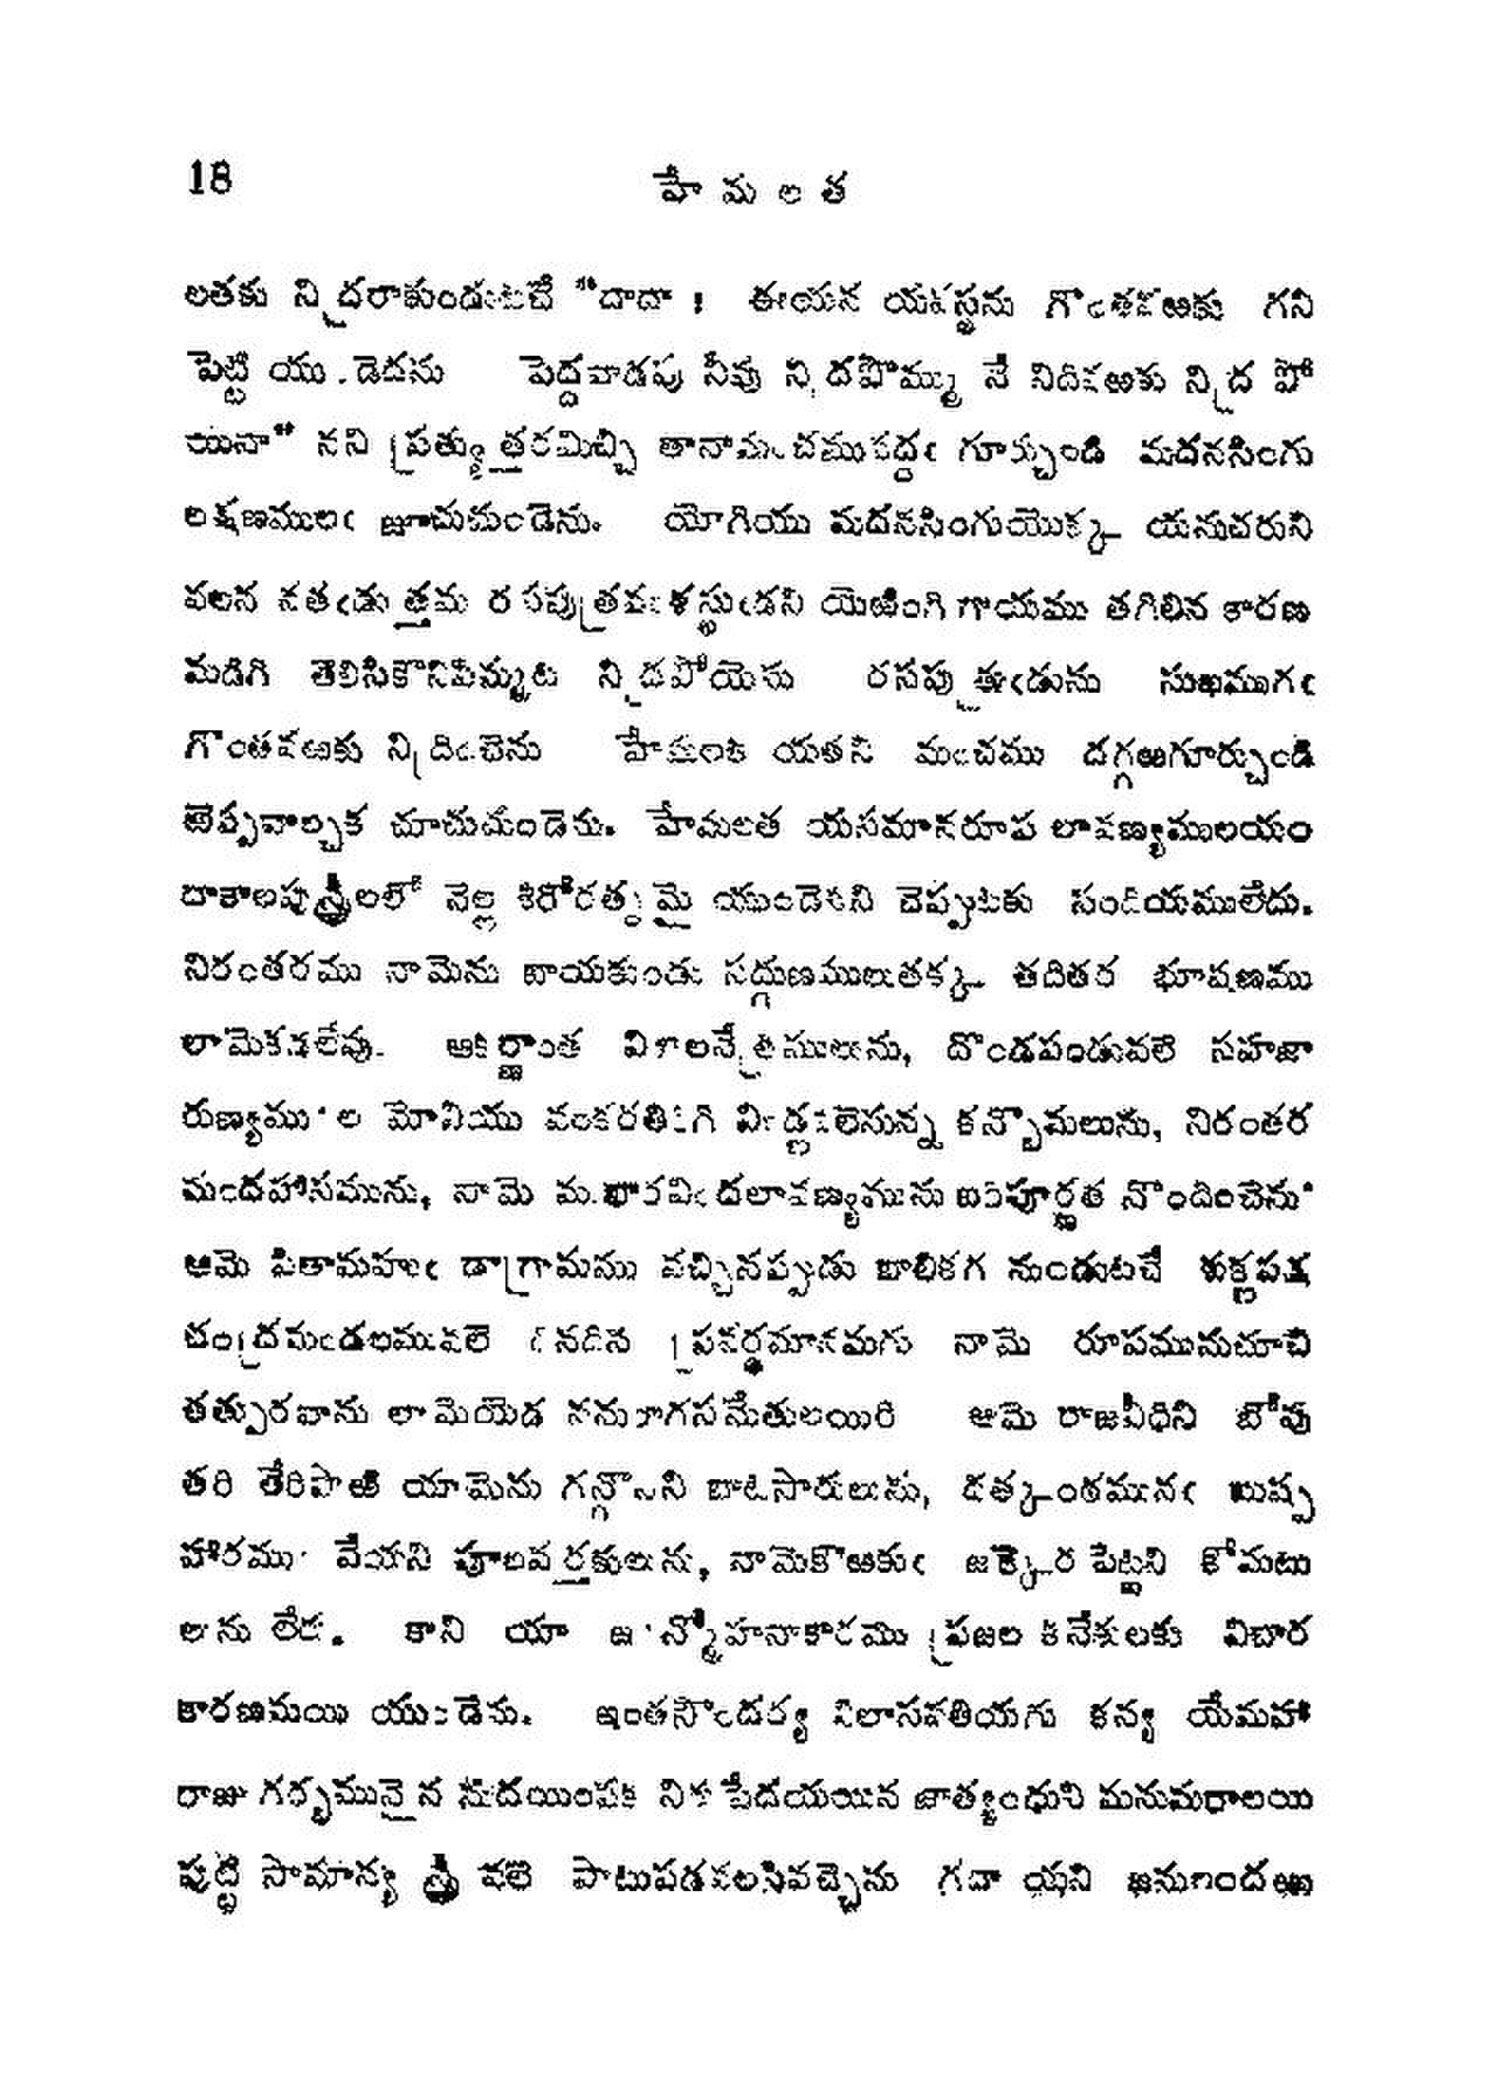లతకు నిద్రరాకుండుటచే “దాదా! ఈయన యవస్థను గొంతవఱకు గనిపెట్టి యుండెదను. పెద్దవాడవు నీవు నిద్రపొమ్ము నే నిదివరకు నిద్ర పోయినా” నని ప్రత్యుత్తరమిచ్చి తానామంచము వద్దఁ గూర్చుండి మదనసింగు లక్షణములఁ జూచుచుండెను. యోగియు మదనసింగు యొక్క యనుచరుని వలన నతఁడుత్తమ రసపుత్రవంశస్థుడని యెఱింగి గాయము తగిలిన కారణ మడిగి తెలిసికొని పిమ్మట నిద్రపోయెను. రసపుత్రుఁడుసు సుఖముగఁ గొంతవఱకు నిద్రించెను. హేమలత యతని మంచము దగ్గఱ గూర్చుండి ఱెప్పవాల్చక చూచుచుండెను. హేమలత యసమానరూప లావణ్యములయం దాశకాలపుస్త్రీలలో నెల్ల శిరోరత్నమై యుండెనని చెప్పుటకు సందియములేదు. నిరంతరము నామెను బాయకుండు సద్గుణములు తక్క తదితర భూషణము లామెకడలేవు. ఆకర్ణాంత విశాలనేత్రములను, దొండపండువలె సహజారుణ్యముల మోవియు వంకరతిరిగి విండ్లవలెనున్న కన్బొమలును, నిరంతర మందహాసమును, నామె ముఖారవిందలావణ్యమును బరిపూర్ణత నొందించెను. ఆమె పితామహుఁ డాగ్రామము వచ్చినప్పుడు బాలికగ నుండుటచే శుక్లపక్ష చంద్రమండలమువలె దినదిన ప్రవర్థమానమగు నామె రూపమునుచూచి తత్పురవాసు లామెయెడ ననురాగసమేతులయిరి. ఆమె రాజవీధిని బోవు తరి తేరిపాఱి యామెను గన్గొనని బాటసారులును, ఉత్కంఠమునఁ బుష్పహారము వేయని పూలవర్తకులను, నామెకొఱకుఁ జక్కెర పెట్టని కోమటులను లేరు. కాని యా జగన్మోహనాకారము ప్రజల కనేకులకు విచార కారణమయి యుండెను. ఇంతసౌందర్య విలాసవతియగు కన్య యేమహారాజు గర్భమునైన నుదయింపక నిరుపేదయయిన జాత్యంధుని మనుమరాలయి పుట్టి సామాన్య స్త్రీ వలె పాటుపడవలసివచ్చెను గదా యని జనులందఱు